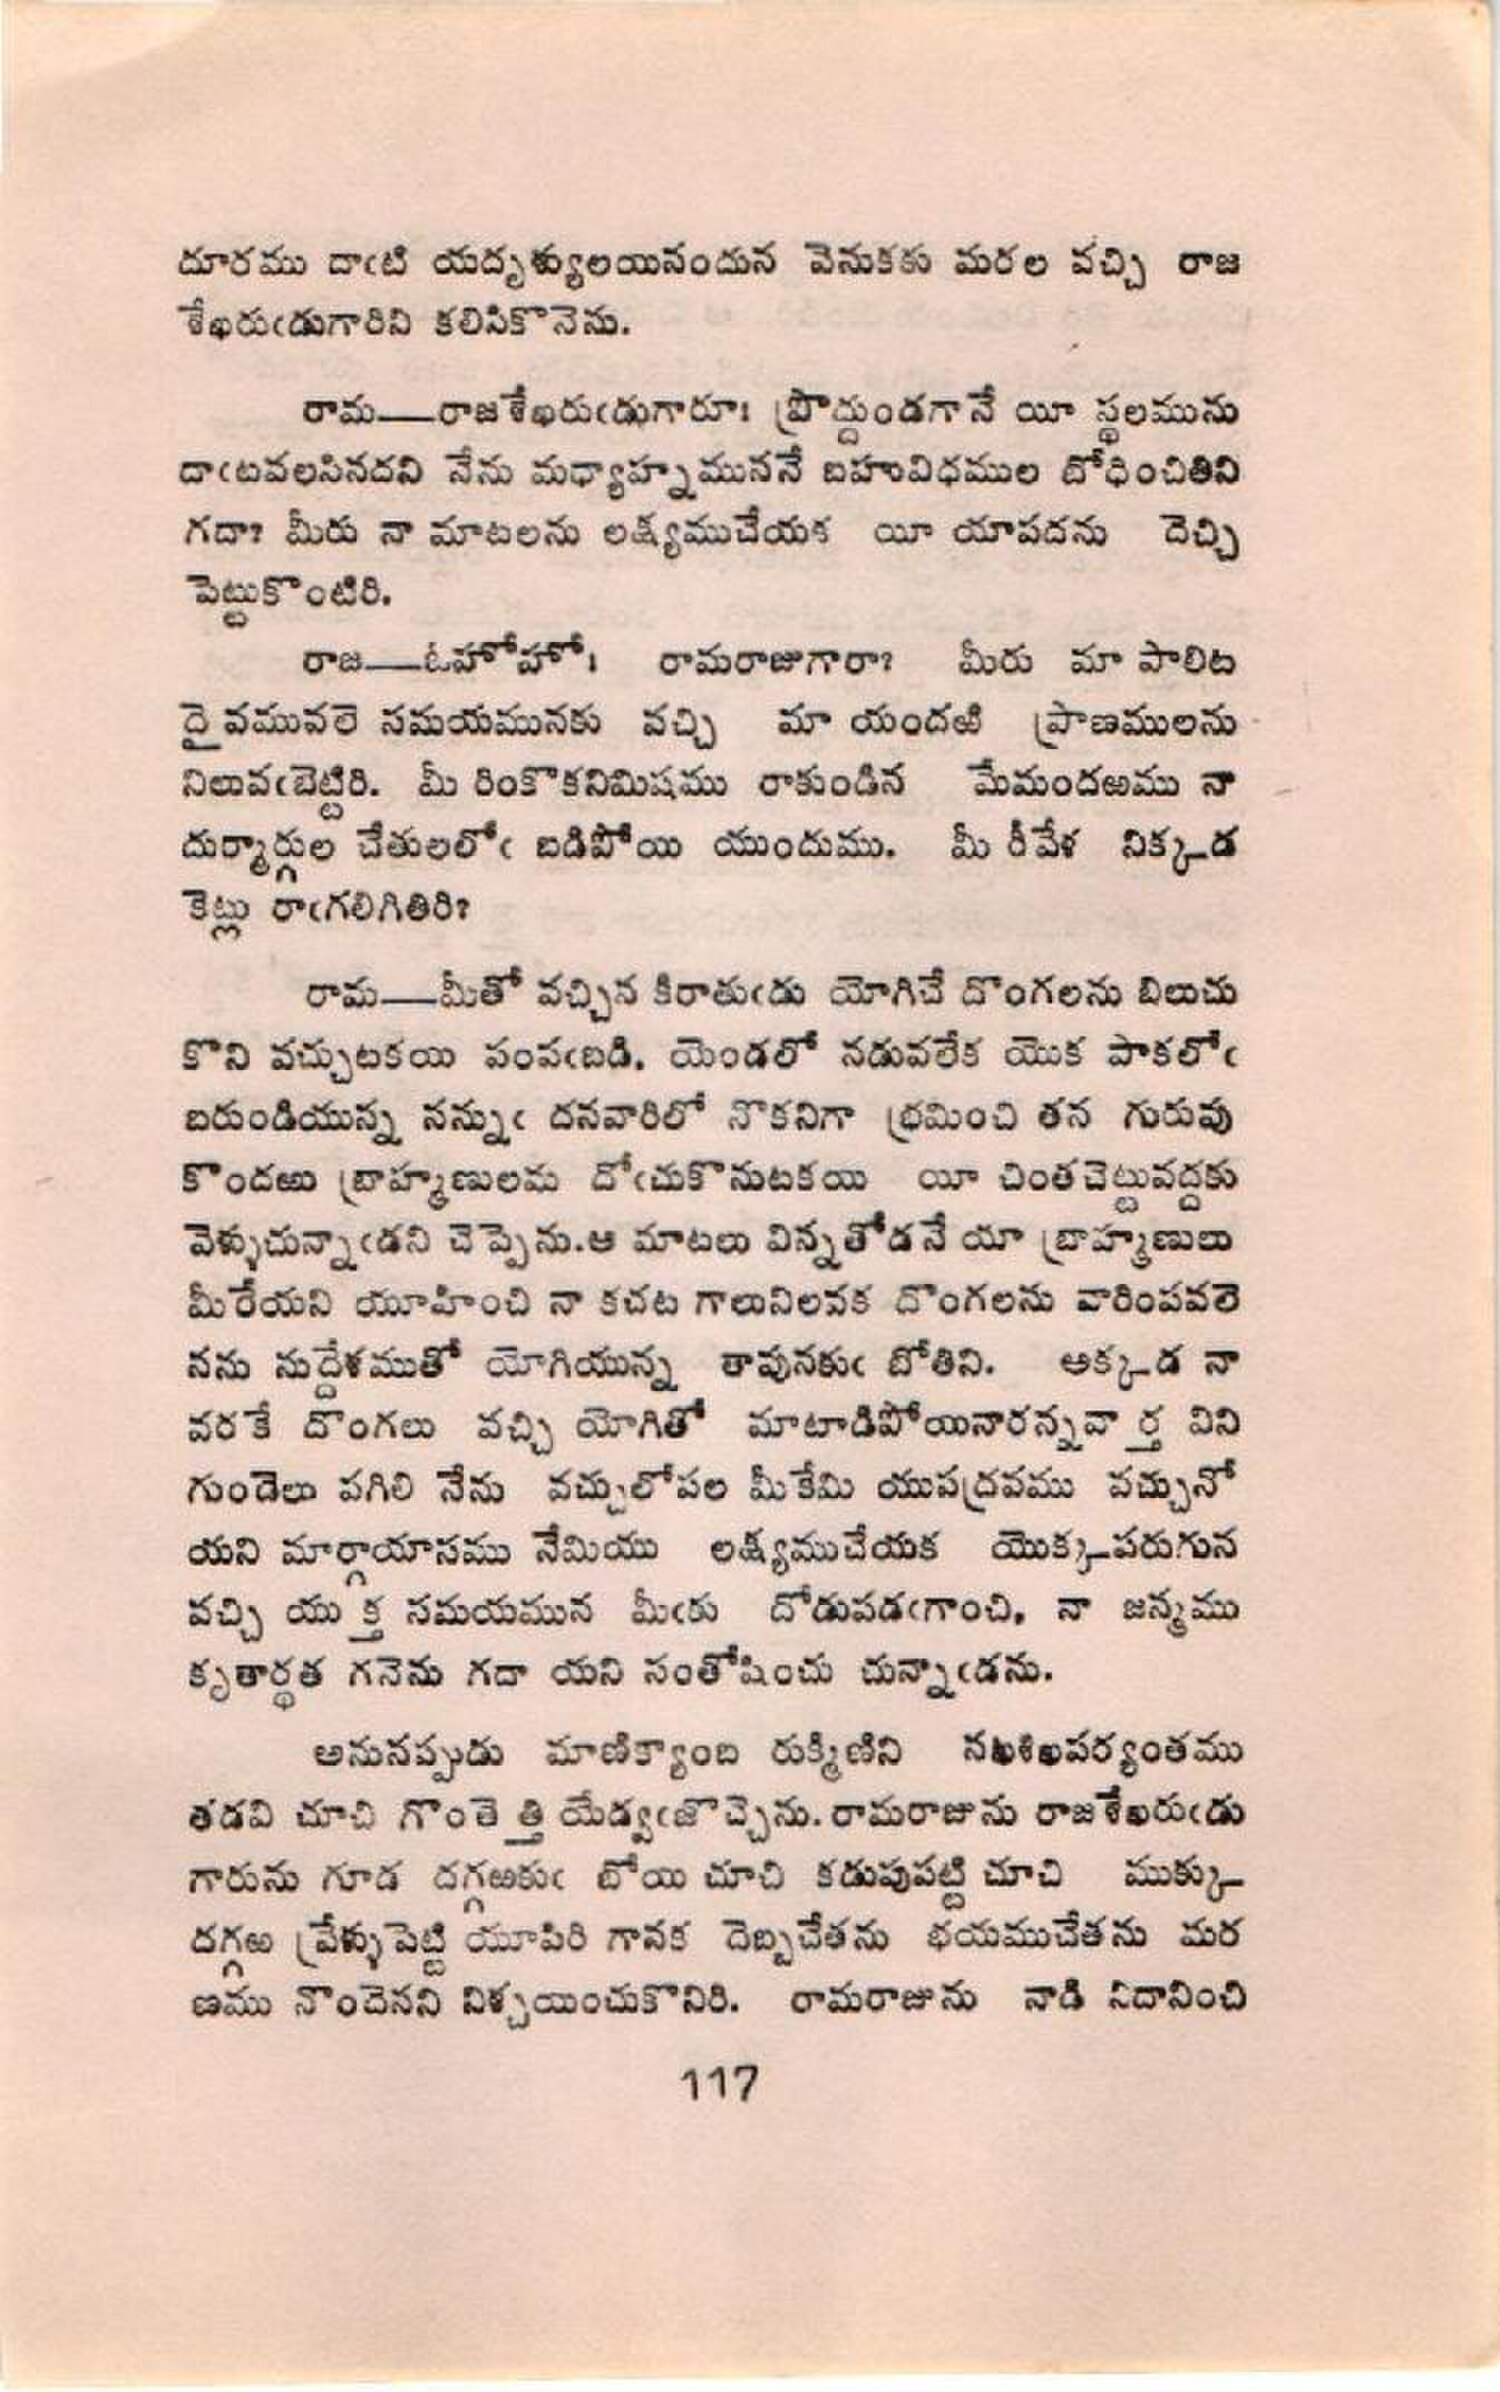దూరము దాఁటి యదృశ్యులయినందున వెనుకకు మరల వచ్చి రాజ శేఖరుడుగారిని కలిసికొనెను.

రామ__రాజశేఖరుఁడుగారూ! ప్రొద్దుండగానే యీ స్థలమును దాఁటవలసినదని నేను మధ్యాహ్నముననే బహువిధముల బోధించితిని గదా? మీరు నా మాటలను లక్ష్యముచేయక యీ యాపదను దెచ్చి పెట్టుకొంటిరి.

రాజ__ఓహోహో, రామరాజుగారా? మీరు మా పాలిట దైవమువలె సమయమునకు వచ్చి మా యందఱి ప్రాణములను నిలువఁబెట్టిరి. మీ రింకొక నిమిషము రాకుండిన మేమందఱము నా దుర్మార్గుల చేతులలోఁ బడిపోయి యందుము. మీ రీవేళ నిక్కడ కెట్లు రాగలిగితిరి ?

రామ__మీతో వచ్చిన కిరాతుఁడు యోగిచే దొంగలను బిలుచు కొని వచ్చుటకయి పంపఁబడి, యెండలో నడువలేక యొక పాకలోఁ బరుండియున్న నన్నుఁ దనవారిలో నొకనిగా భ్రమించి తన గురువు కొందఱు బ్రాహ్మణులు చింతచెట్టువద్దకు వెళ్ళుచున్నాఁడని చెప్పెను.ఆ మాటలు విన్నతోడనే యా బ్రాహ్మణులు మీరేయని యూహించి నా కచట గాలునిలవక దొంగలను వారింపవలె నను నుద్దేశముతో యోగియున్న తావునకుఁ బోతిని. అక్కడ నా వరకే దొంగలు వచ్చి యోగితో మాటాడిపోయినారన్నవార్త విని గుండెలు పగిలి నేను వచ్చులోపల మీకేమి యుపద్రవము వచ్చునో యని మార్గాయాసము నేమియు లక్ష్యముచేయక యొక్కపరుగున వచ్చి యుక్త సమయమున మీఁకు దోడుపడఁగాంచి, నా జన్మము కృతార్థత గనెను గదా యని సంతోషించు చున్నాఁడను.

అనునప్పుడు మాణిక్యాంబ రుక్మిణిని నఖశిఖపర్యంతము తడవి చూచి గొంతెత్తి యేడ్వఁజొచ్చెను. రామరాజును రాజశేఖరుఁడు గారును గూడ దగ్గఱకుఁ బోయి చూచి కడుపుపట్టి చూచి ముక్కు దగ్గఱ వ్రేళ్ళు పెట్టి యూపిరి గానక దెబ్బచేతను భయముచేతను మరణము నొందెనని నిశ్చయించుకొనిరి. రామరాజును నాడి నిదానించి